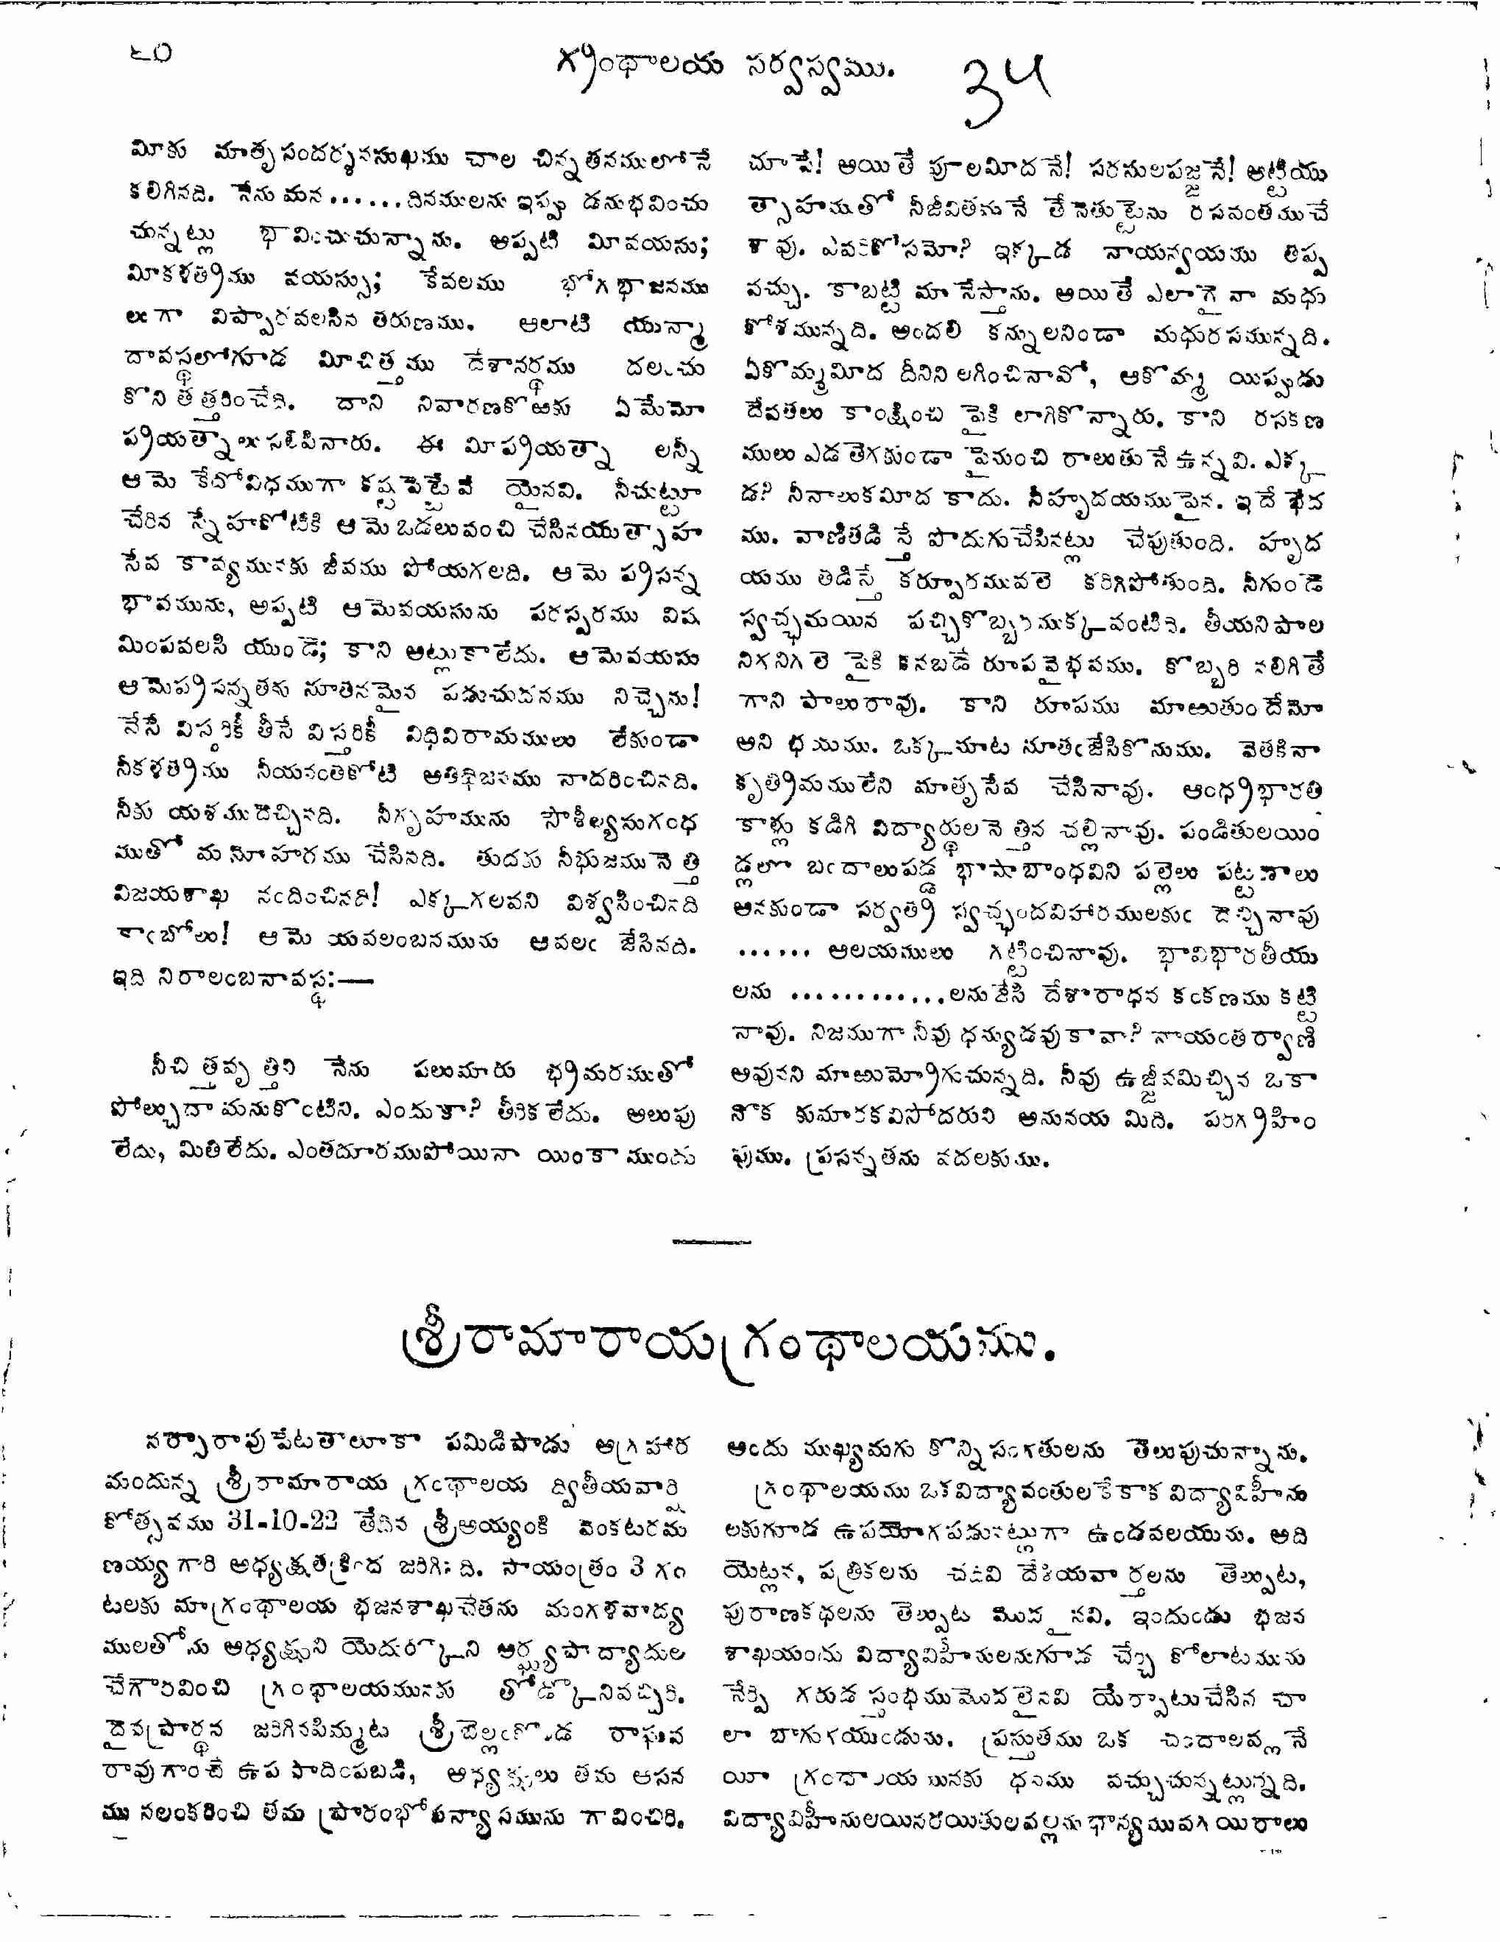మీకు మాతృసందర్శనసుఖము చాల చిన్నతనములోనే చూపే ! అయితే పూలమీదనే! సరసుల పజ్జనే! అట్టియు
ఏ
కలిగినది. "నేను మన....దినములను ఇప్పు డనుభవించు
చున్నట్లు భావించుచున్నాను. అప్పటి మీవయసు;
మీ కళత్రము వయస్సు; కేవలము భోగ భోజనము
లంగా విప్పారవలసిన తరుణము. అలాటి యున్నా
దావస్థలోగూడ మీ చిత్తము దేశానర్ధము దలంచు
కొని తీత్తరించేది. దాని నివారణ కొఱకు
ప్రయత్నా× సలిపినారు. ఈ మి ప్రయత్నా లన్నీ
ఆమె కేదోవిధముగా కష్ట పెట్టేవే యైనవి. నీ చుట్టూ
చేరిన స్నేహటీకి ఆమె ఒడలు వంచి చేసినయుత్సాహ
సేవ కావ్యమునకు జీవము పోయగలది. ఆమె ప్రసన్న
భావమును, అప్పటి ఆమెవయసును పరస్పరము విష
m
మింపవలసి యుండే; కాని అటు కాలేదు. ఆమెవయసు
ఆమెప పన్నతకు నూతనమైన పడుచుదనము నిచ్చెను!
నేనే విస్తరికీ తీసే విస్తరికీ విధివిరామములు లేకుండా
నీకళత్రము నీయవంతెకోటి అతిథిజయము నాదరించింది.
నీకు యశము దెచ్చినది. నీగృహమును సౌశీల్యసుగంధ
ముతో మసూహరము చేసినది. తుదకు నీభుజము నెత్తి
విజయశాఖ నందించినది! ఎక్కగలవని విశ్వసించింది
కాఁబోలు! ఆమె యవలంబనమును ఆవలఁ జేసినది.
ఇది నిరాలంబనావస:-
-
నీచి తవృత్తిని నేను పలుమారు భ్రమరముతో
పోల్చుదా మనుకొంటిని. ఎందుకా? తీరిక లేదు. అలుపు
లేదు, మితిలేదు. ఎంతదూరముపోయినా యింకా ముందు
0
ట
సరసులపజ్జనే!
త్సాహముతో నీ జీవితకు నే తేనెతుట్టెను రసవంతము చే
శావు. ఎవరికోసమో? ఇక్కడ నాయన్వయము తిప్ప
వచ్చు. కాబట్టి మాసేస్తాను. అయితే ఎలాగైనా మధు
కోశమున్నది. అందలి కన్నులనిండా మధుర సమున్నది.
ఏకొమ్మమీద దీనిని లగించినావో, ఆకొమ్మ యిప్పుడు
దేవతలు కాంక్షించి పైకి లాగికొన్నారు. కాని రసకణ
ములు ఎడ తెగకుండా 'పైనుంచి రాలుతునే ఉన్నవి. ఎక్క
డని నీ నాలుక మీద కాదు. నీహృదయము పైన. ఇదే భేద
ము. వాణితడి స్తే పొదుగు చేసినట్లు చెపుతుంది. హృద
యము తడిస్తే కర్పూరమువలె కరిగిపోతుంది. నీగుండె
స్వచ్ఛమయిన పచ్చికొబ్బర ముక్క వంటిది. తీయని పాల
నిగనిగి లె పైకి కనబడే రూపవైభవము, కొబ్బరి ఇలిగితే
గాని పాలురావు. కాని రూపము మాఱుతుందేమో
అని ధ మము. ఒక్క మాట నూతఁజేసికొనుము. వెతకినా
కృత్రిమములేని మాతృసేవ చేసినావు. ఆంధ్రభారతి
కాళ్లు కడిగి విద్యార్థుల నెత్తిన చల్లినావు. పండితులయిం
డ్లలో బఁదాలుపడ్డ భాషా బాంధవిని పల్లెలు పట్టణాలు
ఆనకుండా సర్వతి స్వచ్ఛంద విహారములకుఁ దెచ్చినావు
3
ఆలయములం గట్టించినావు. భావిభారతీయు
లను జేసి దేశారాధన కంకణము కటి
నావు. నిజముగా నీవు ధన్యుడవు కావా? నాయఁత ర్వాణి
ఆవురని మాఱుమ్రోగుచున్నది. నీవు ఉజ్జీవమిచ్చిన ఒకా
నొక కుమారక విసోదరుని అనునయ మిది. పరిగ్రహిం
పుము. ప్రసన్నతను వదలకుము.

నర్సారావు పేటతాలూకా పమిడిపాడు అగ్రహారమందున్న శ్రీరామారాయ గ్రంథాలయ ద్వితీయ వార్షికోత్సవము 31-10-22 తేదిన శ్రీ అయ్యంకి వెంకటరమణయ్య గారి అధ్యక్షత క్రింద జరిగింది. సాయంత్రం 3 గంటలకు మాగ్రంథాలయ భజనశాఖ చేతను మంగళవాద్యములతోను అధ్యక్షుని యెదుర్కొని అర్ఘ్యపాద్యాదుల చేగౌరవించి గ్రంథాలయమునకు తోడ్కొనివచ్చిరి. దైవప్రార్థన జరిగిన పిమ్మట శ్రీ జెల్లఁగొండ రాఘవరావుగారిచే ఉపాదింపబడి, అధ్యక్షులు తమ అసనము నలంకరించి తమ ప్రారంభోపన్యాసమును గావించిరి. అందు ముఖ్యమగు కొన్ని సంగతులను తెలుపుచున్నాను.

గ్రంథాలయము ఒక విద్యావంతులకే కాక విద్యావిహీనంలకుగూడ ఉపయోగపడునాట్లుగా ఉండవలయును. అది యెట్లన, పత్రికలను చదివి దేశీయవార్తలను తెల్పుట, పురాణకథలను తెల్పుట మొదలైనవి. ఇందుఁడు భజనశాఖయందు విద్యావిహీనులనుగూడ చేర్చి కోలాటమును నేర్పి గరుడస్తంభము మొదలైనవి యేర్పాటుచేసిన చాలా బాగుగయుఁడుము. ప్రస్తుతము ఒక చందాలవల్లనే యి
గ్రంథాలయమునకు ధనము వచ్చుచున్నట్లున్నది. విద్యావిహీనులయిన రయితులవల్లను ధాన్యమువగయిరాలు